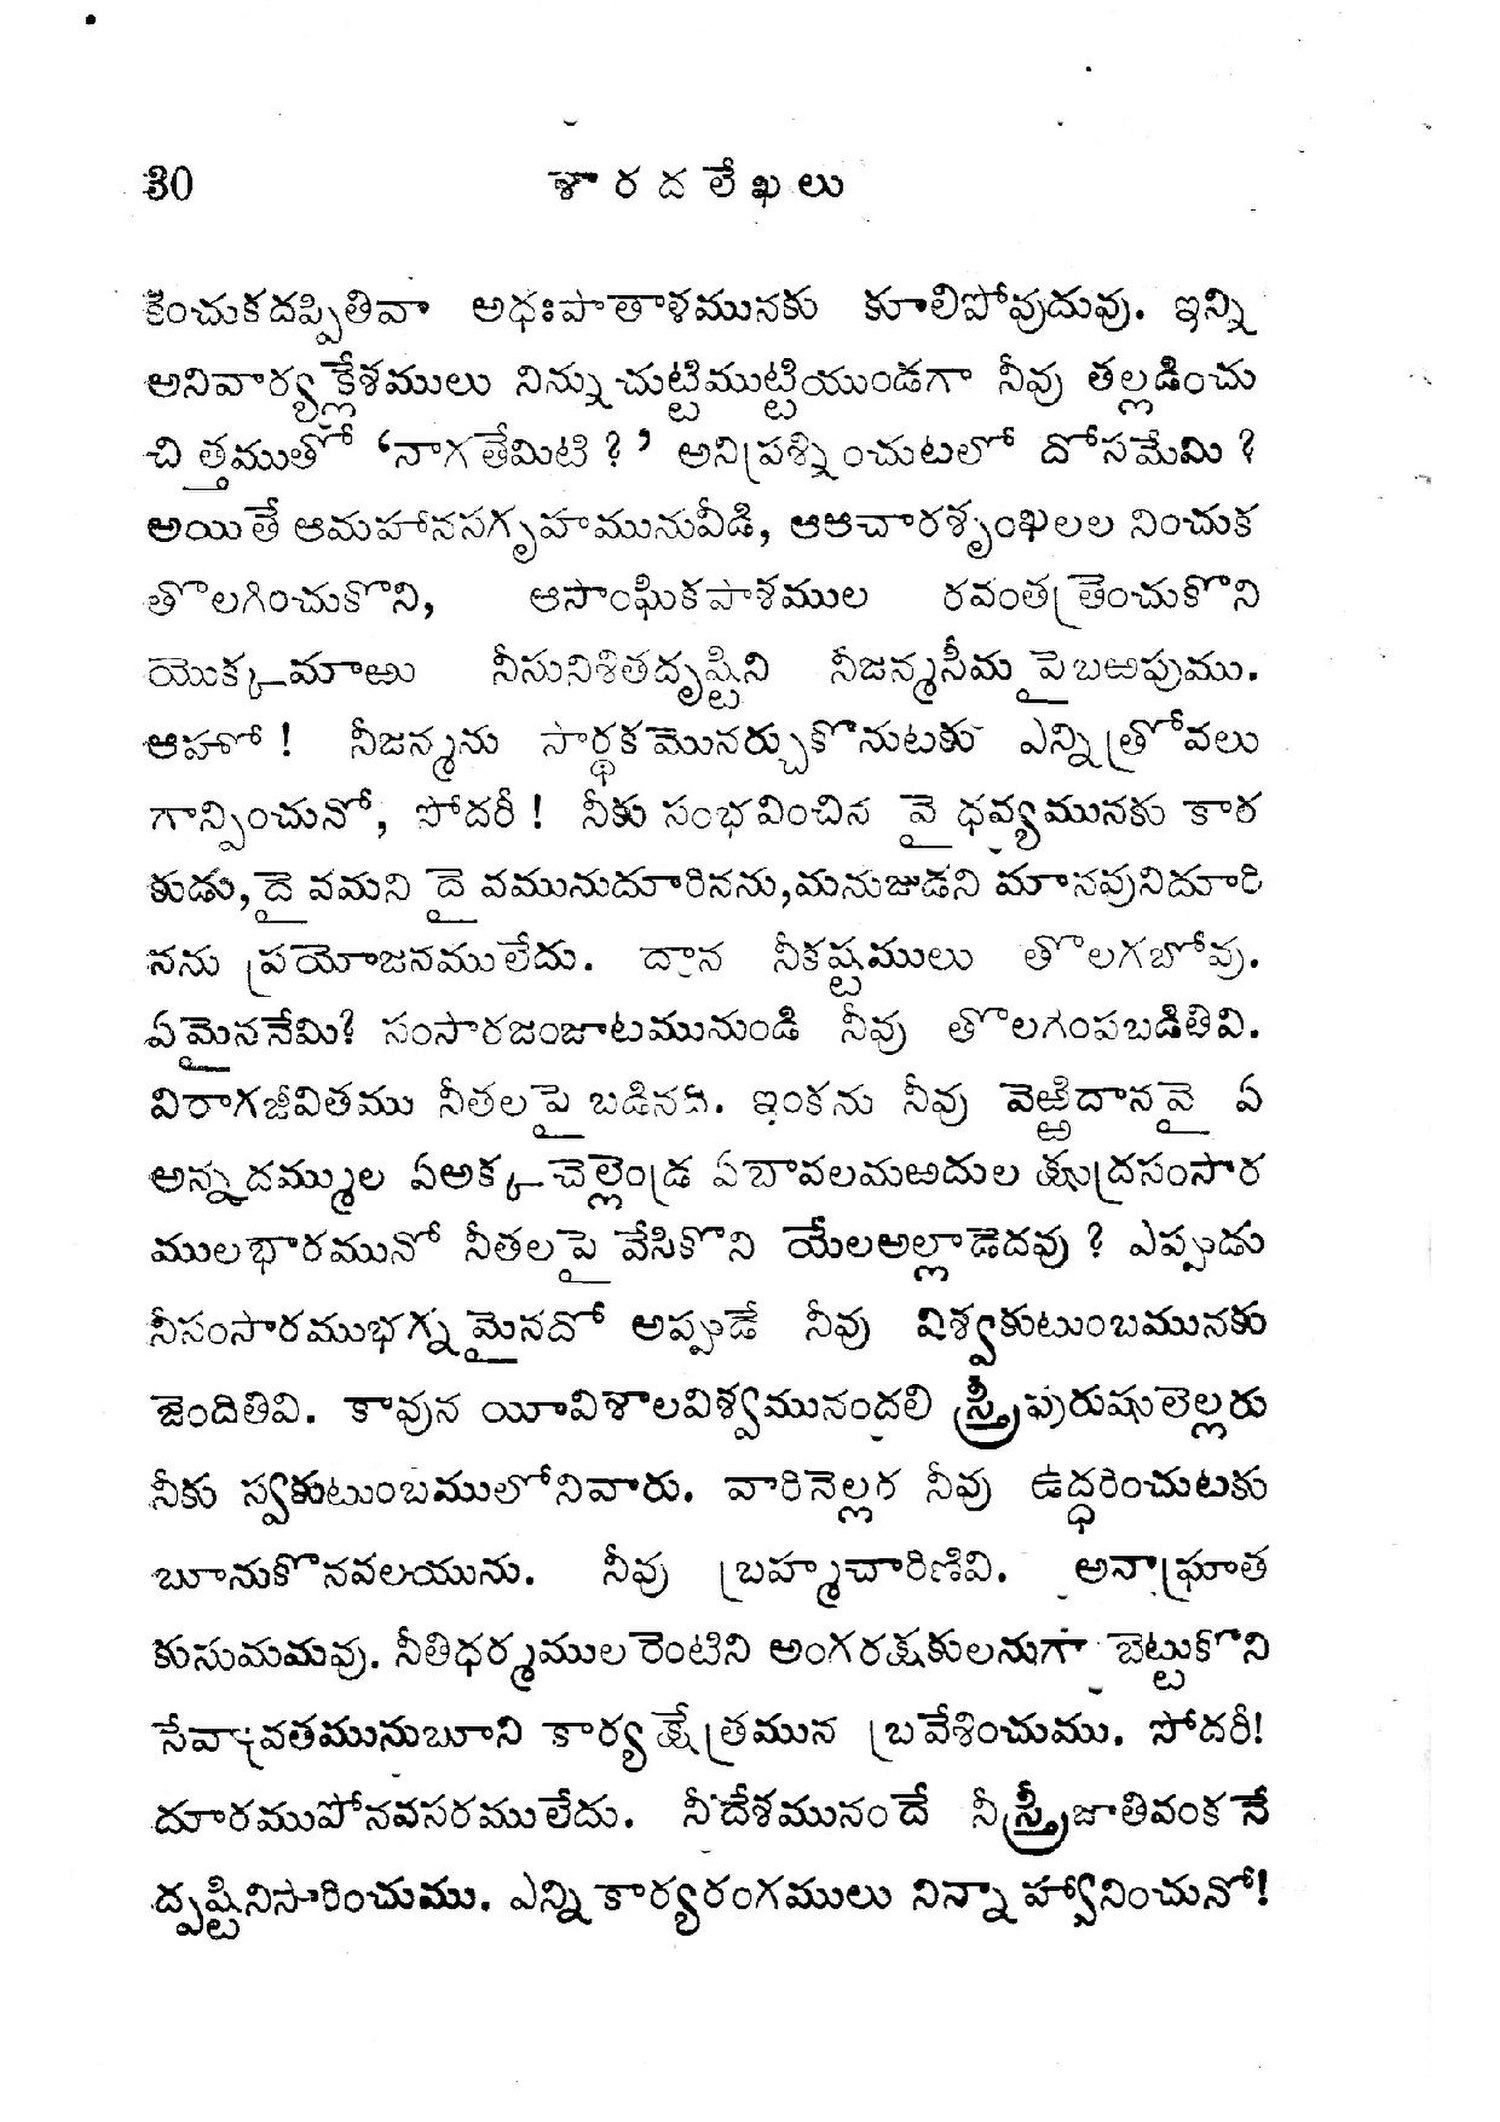కించుకదప్పితివా అధఃపాతాళమునకు కూలిపోవుదువు. ఇన్ని
అనివార్యక్లేశములు నిన్ను చుట్టిముట్టియుండగా నీవు తల్లడించు
చితముతో 'నాగతేమిటి?' అనిప్రశ్నించుటలో దోసమేమి?
అయితే ఆమహానసగృహమునువీడి,ఆఆచారశృంఖలల నించుక
అసాంఘికపాశముల రవంతత్రెంచుకొని
యొక్కమాఱు నీసునిశితదృష్టిని నీజన్మసీమ పైబఱపుము.
ఆహో! నీజన్మను సార్ధకమొనర్చుకొనుటకు ఎన్నిత్రోవలు
గాన్పించునో, సోదరీ! నీకు సంభవించిన వైధవ్యమునకు కార
కుడు, దైవమని దైవమునుదూరినను, మనుజుడని మానవునిదూరి
నను ప్రయోజనములేదు. దాన నీకష్టములు తొలగబోవు.
ఏమైననేమి? సంసారజంజాటమునుండి నీవు తొలగింపబడితివి.
విరాగజీవితము నీతలపై బడినది. ఇంకను నీవు వెఱ్ఱిదానవై ఏ
అన్నదమ్ముల ఏఅక్క చెల్లెండ్ర ఏబావలమఱదుల క్షుద్రసంసార
ముల భారమునో నీతలపై వేసికొని యేలఅల్లాడెదవు? ఎప్పుడు
నీసంసారముభగ్నమైనదో అప్పుడే నీవు విశ్వకుటుంబమునకు
జెందితివి. కావున యీవిశాలవిశ్వమునందలి స్త్రీ పురుషు లెల్లరు
నీకు స్వకుటుంబములోనివారు. వారినెల్ల నీవు ఉద్ధరించుటకు
బూనుకొనవలయును. నీవు బ్రహ్మచారిణివి. అనాఘ్రాత
కుసుమమవు. నీతిధర్మముల రెంటిని అంగరక్షకులనుగా బెట్టుకొని
సేవావ్రతమునుబూని కార్యక్షేత్రమున బ్రవేశించుము, సోదరీ!
దూరముపోనవసరములేదు. నీదేశమునందే నీస్త్రీజాతివంక నే
దృష్టినిసారించుము. ఎన్ని కార్యరంగములు నిన్నా హ్వానించునో!